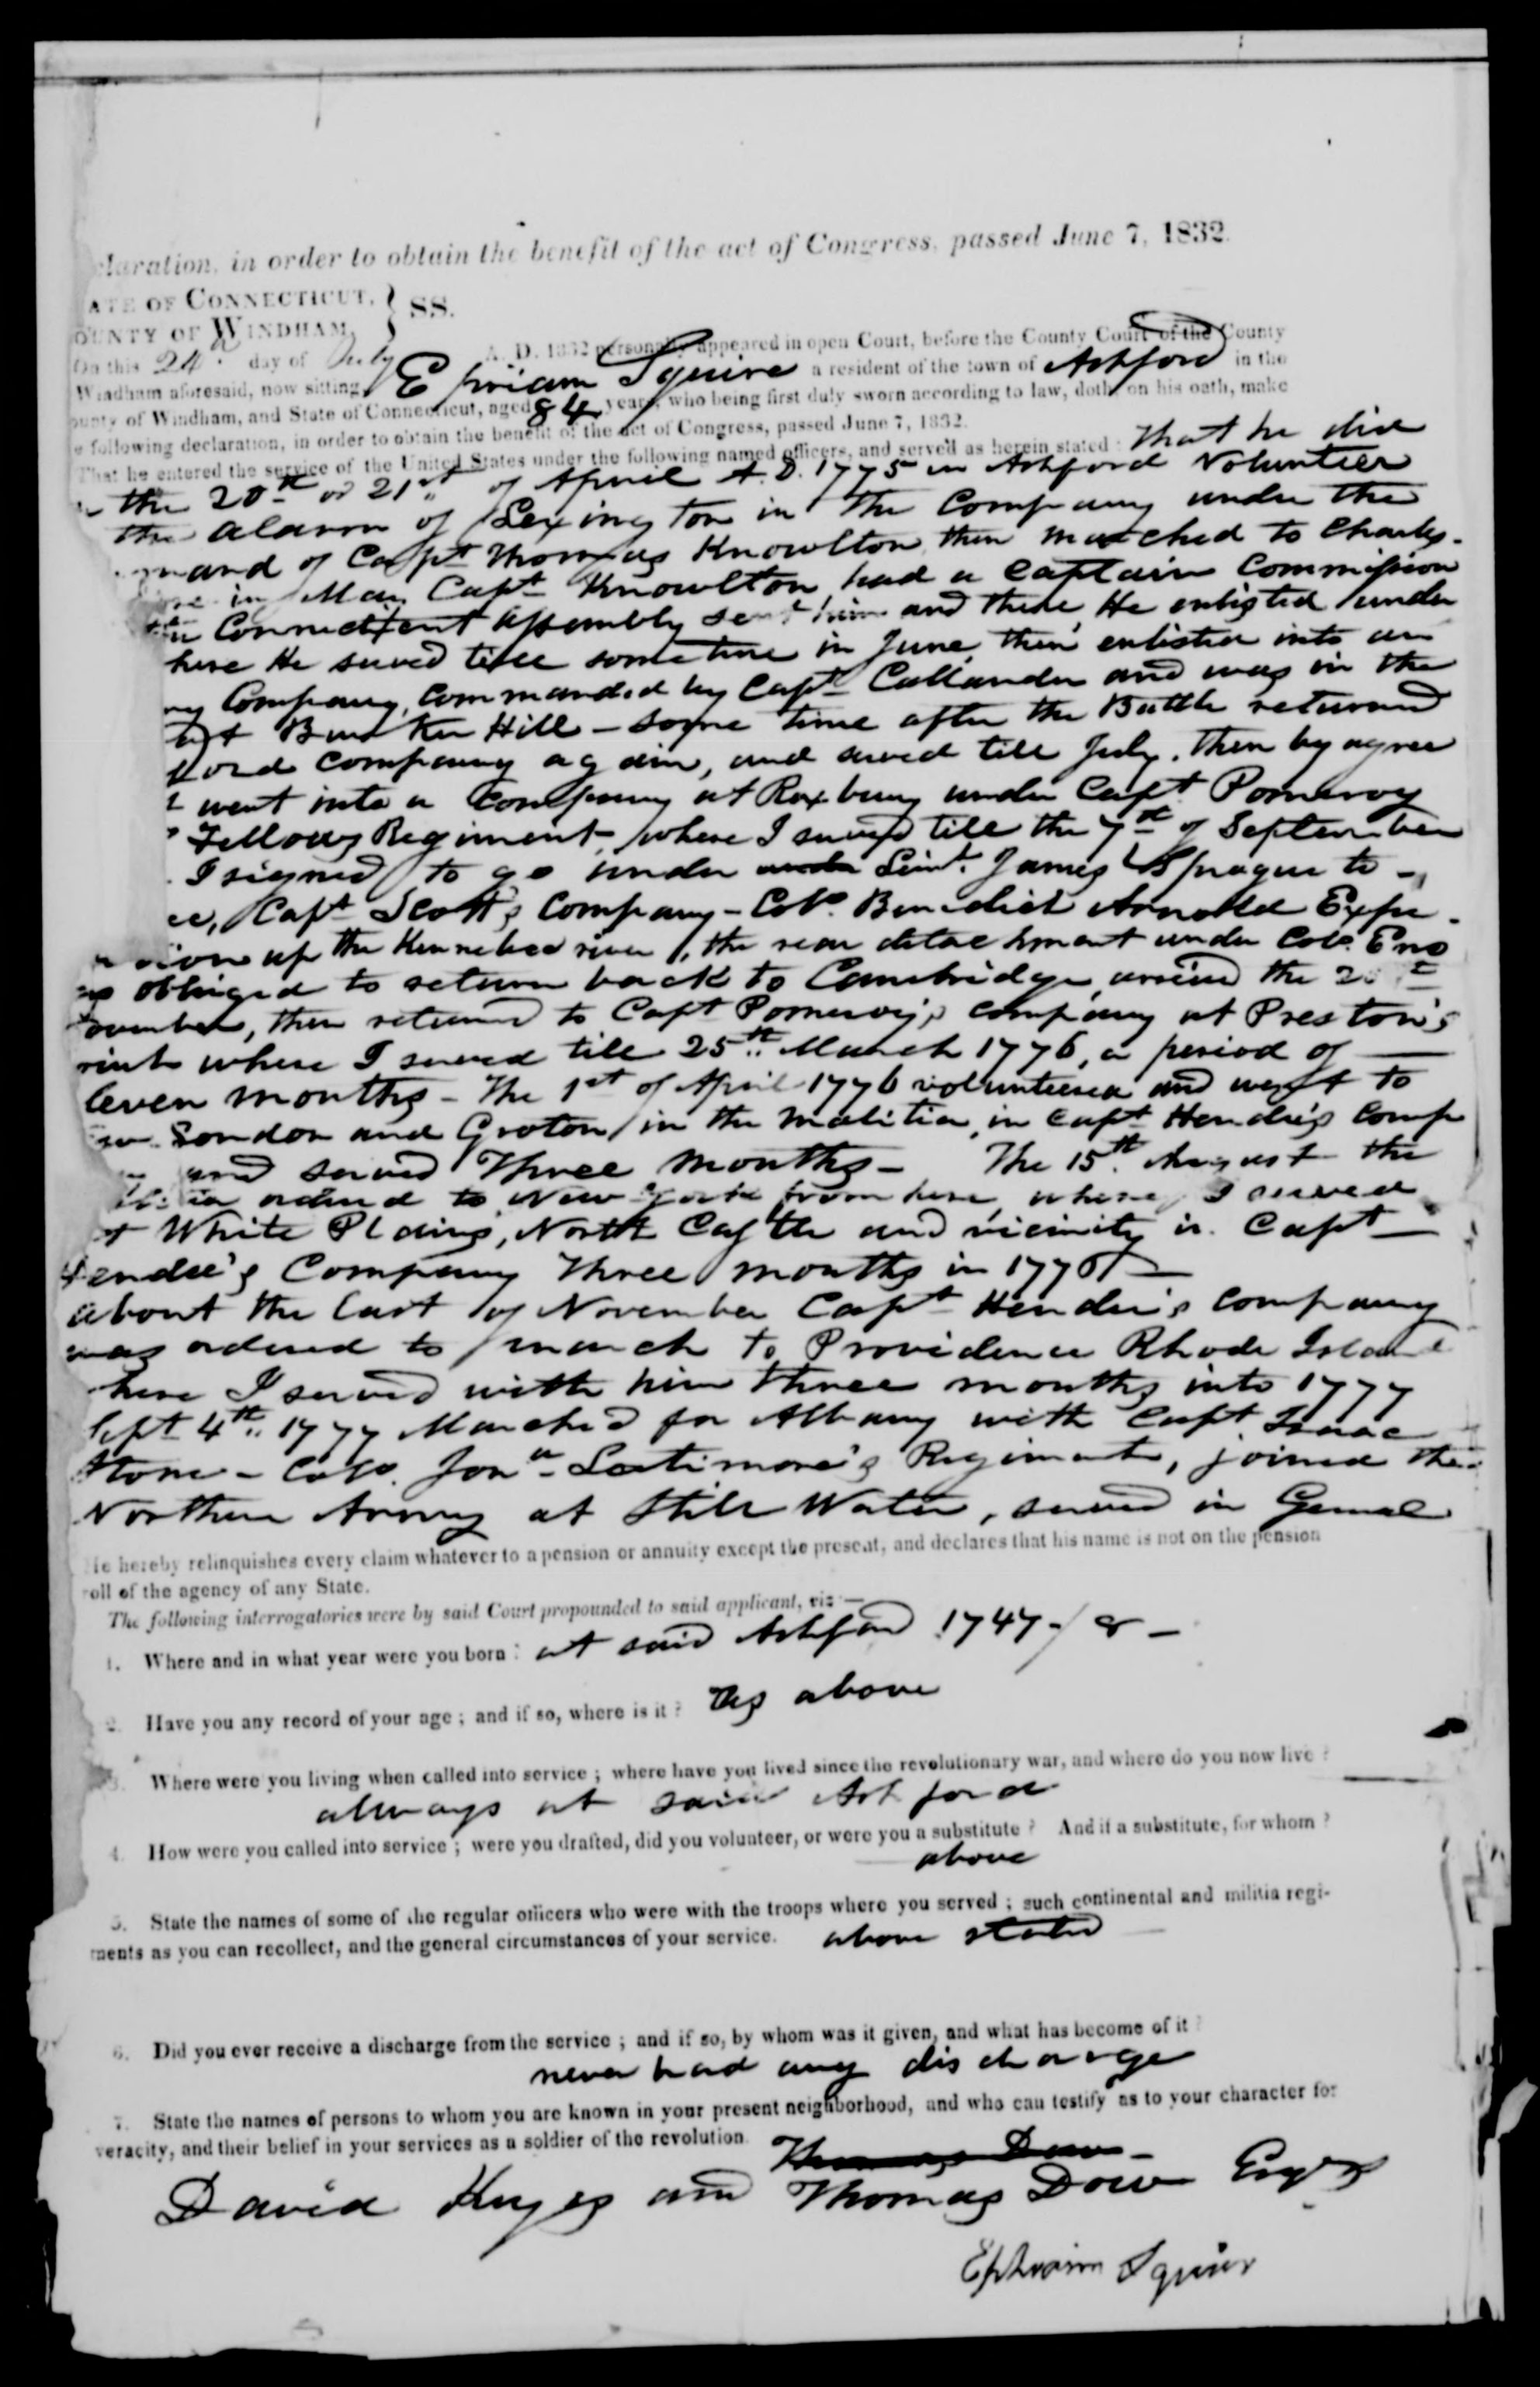Declaration in order to obtain the benefit of the act of Congress passed June 7, 1832.
State of Connecticut 
County of Windam} S.S. 
On this 24th day of July A.D. 1832 personally appeared in open Court, before the County Court of the County of Windham aforesaid, now sitting Ephriam Squire a resident of the town of Ashford in the County of Windham, and State of Connecticut, aged 84 years, who being first duly sworn according to law, doth on his oath, make the following declaration, in order to obtain the benefit of the act of Congress passed June 7, 1832.
That he entered the service of the United States under the following named officers and served as herein stated: What he did [cut off] the 20th or 21st of April A.D. 1775 in Ashford Volunteer the alarm of Lexington in the company under the [cutoff] and of Capt (Captain) Thomas Knowlton, then marched to Charleston in May. Capt Knowleton had a Captain commission [cutoff] Connecticut assembly sent him and there he enlisted under [cutoff] he served there sometime in June then enlisted in the [cutoff] at Bunker Hill- some time after the battle returned [cutoff] company again and served till July. then by [illegible] [cutoff] went into a company at Roxbury under Capt. Pomeroy [cutoff] following Regiment, where I served till the 7th of September [cut off] I signed to go under Liut. James [illegible] to [cutoff] Capt. Seatt's company- Cor. Benedict Arnolde's Expe [cutoff]  up the [illegible] river, the rear detachment under Col. Eno[cutoff] marching to action back to Cambridge, served the 20 [cutoff], then returned to Capt. Pomeroy's company at Preston's [cutoff] where I served til 25th March 1776, a period of eleven months. The 1st of April 1776 volunteered and [illegible] to [cutoff] Sandon and Groton in the militia in Capt. Handy's Corp [cutoff] and served three months- The 15th August the militia marched to New York from here, where I served Capt. White and Loving, North captain and vicinity in Capt. Henden's Company three months in 1776- about the last of November Capt. Henden's Company was ordered to march to Providence Rhode Island where I served with him three months into 1777. Sept. 4th 1777 marched for Albany with Capt. [Illegible] [cutoff] cap. Joseph Latimore's Regiment, joined the Northern Army at still water, served in General...
He hereby relinquishes every claim whatever to a pension or annuity except the present, and declares that his name is not on the pension roll of the agency of any state.
The following interrogatories were by said Court propounded to said applicant- via- 
1. Where and in what year were you born: At said Ashford 1747/8

2.Have you any record of your age: and if so where is it? the above

3. Where were you living when called into service; where have you lived since the Revolutionary war, and where do you now live? always at said Ashford

4. How were you called into service; were you drafted, did you volunteer or were you a substitute? And if a substitute, for whom?
 -above

5. State the names of some of the regular officers who were with the troops were you served; such continental and militia regiments as you can recollect, and the general circumstances of your service. 
above stated-

6. Did you ever receive a discharge from the service; and if so, by whom was it given, and what has become of it?
never had any discharge

7. State the names of persons to who you are know in your present neighborhood, and who can testify as to your character for veracity, and their belief in your services as a soldier of the revolution. 
David Hayes and Thomas Dow Esq. 
Ephraim Squier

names: Isaac Stone; Thomas Knowlton; James Sprague; David Keyes; Ephraim Squier; [BLANK] Knowlton; Epriam Squire; [BLANK] Callander; [BLANK] Pomeroy; Thomas Dow; [BLANK] Eno; Benedict Arnold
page: 10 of 70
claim: rejected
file: R. 10,026, for Ephraim Squier, Connecticut